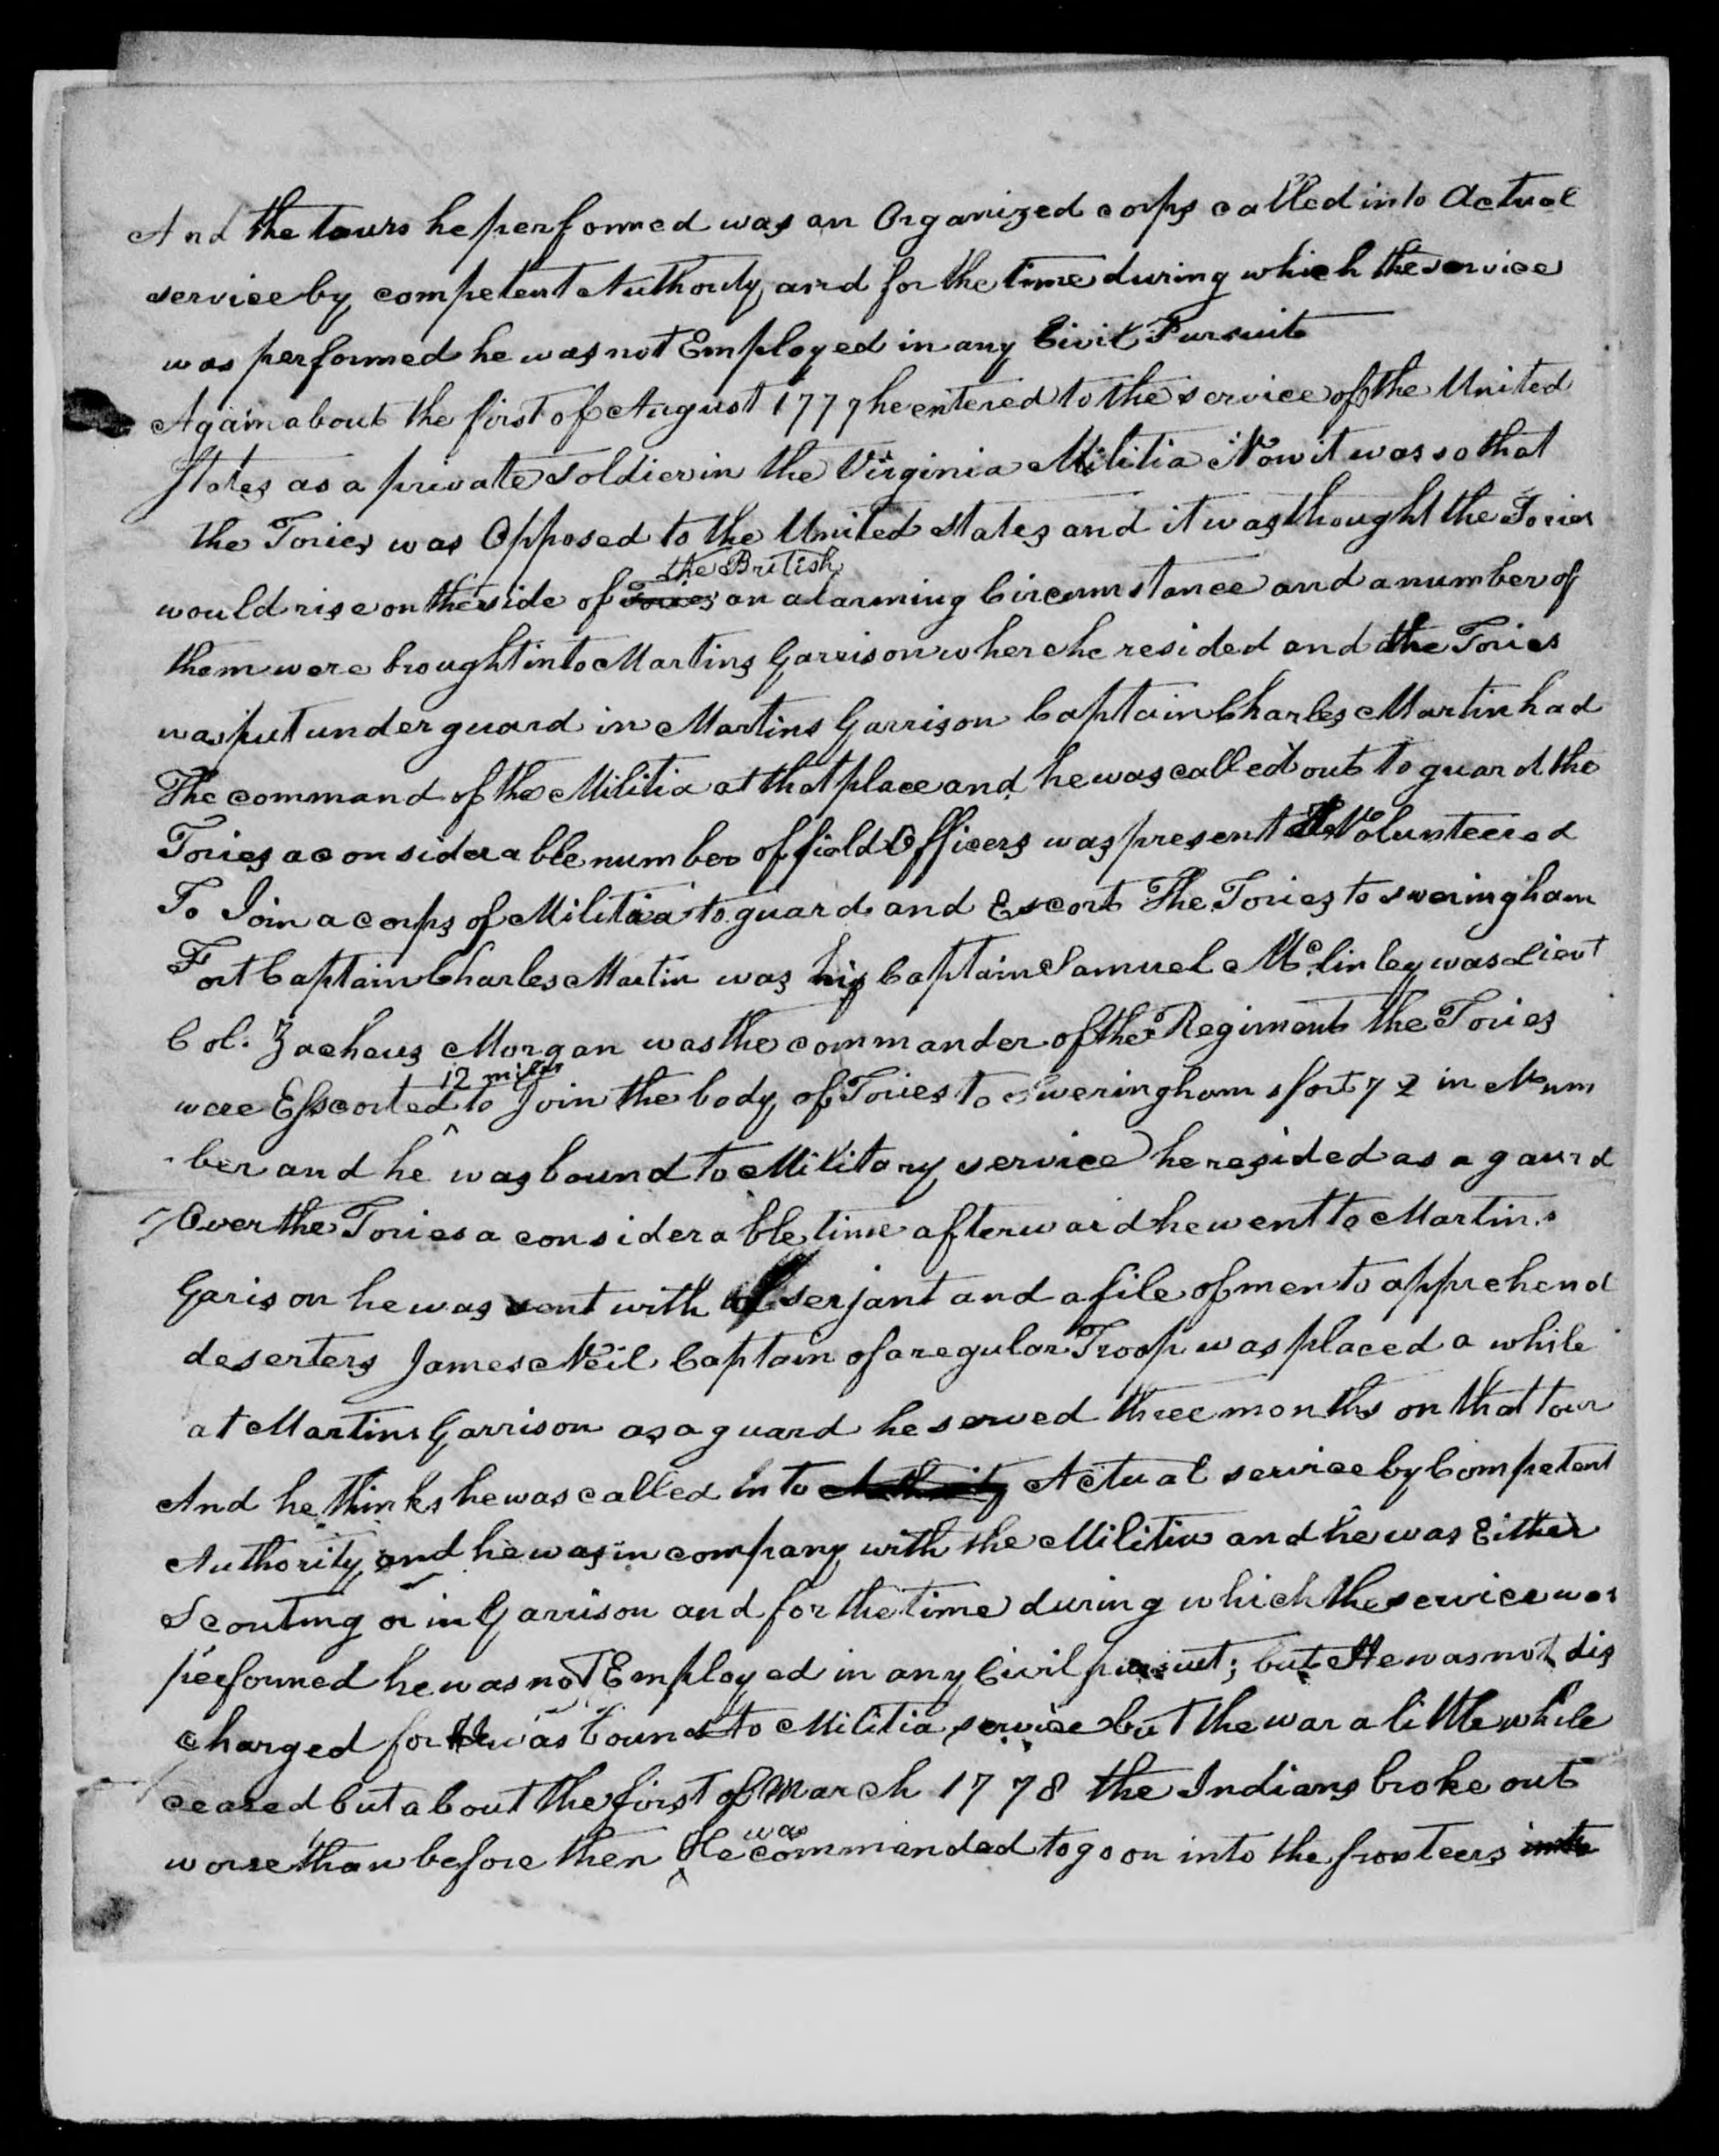And the tours he performed was an Organized corps called into Actual service by competent Authority and for the time during which the service was performed he was not Employed in any Civil Pursuit
Again about the first of August 1779 he entered the service of the United States as a private soldier the Virginia Militia Now it was so that the Tories was Opposed to the United States and it was thought the Tories would rise on the side of the British on alarming Circumstance and a number of them are brought into Martins Garrison here he resided and the Tories was first under guard in Martins Garrison Captain Charles Martin had the command of the Militia at that place and he was called out to guard the Tories as considerable number of field officers was present he volunteered to Join a corps of Militia to guard and Escort the Tories to Swaringham Fort Captain Charles Martin was his Captain Samuel McLinley was Lieut Col. Zacheus Morgan was the commander of the Regiment the Tories were Escorted 12 miles to Join the body of Tories to Sweringham a fort of 2 in Number and he was bound to Military service he resided as a guard over the Tories a considerable time of term and he went to Martins Garison he was sent with a serjant and a file of men to apprehend deserters James Neil Captain of a regular Troops was placed a while at Martins Garrison as a guard he served three months on that tour 
And he thinks he was called into Actual service by Competent Authority and he was in company with the Militia and he was Either Scouting or in Garrison and for the time during which the service was performed he was not Employed in any Civil pursuit; but He was not discharged for the service bound to the Militia service but the war all the while ceased but about the first of March 1778 the Indians broke out worse than before then He was commanded to go on into the fronteers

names: Charles Martin, Zacheus Morgan, Samuel Mc Linley, Charles Martin, James Neil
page: 19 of 33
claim: survivor's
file: S. 9587, William Holson, Va.